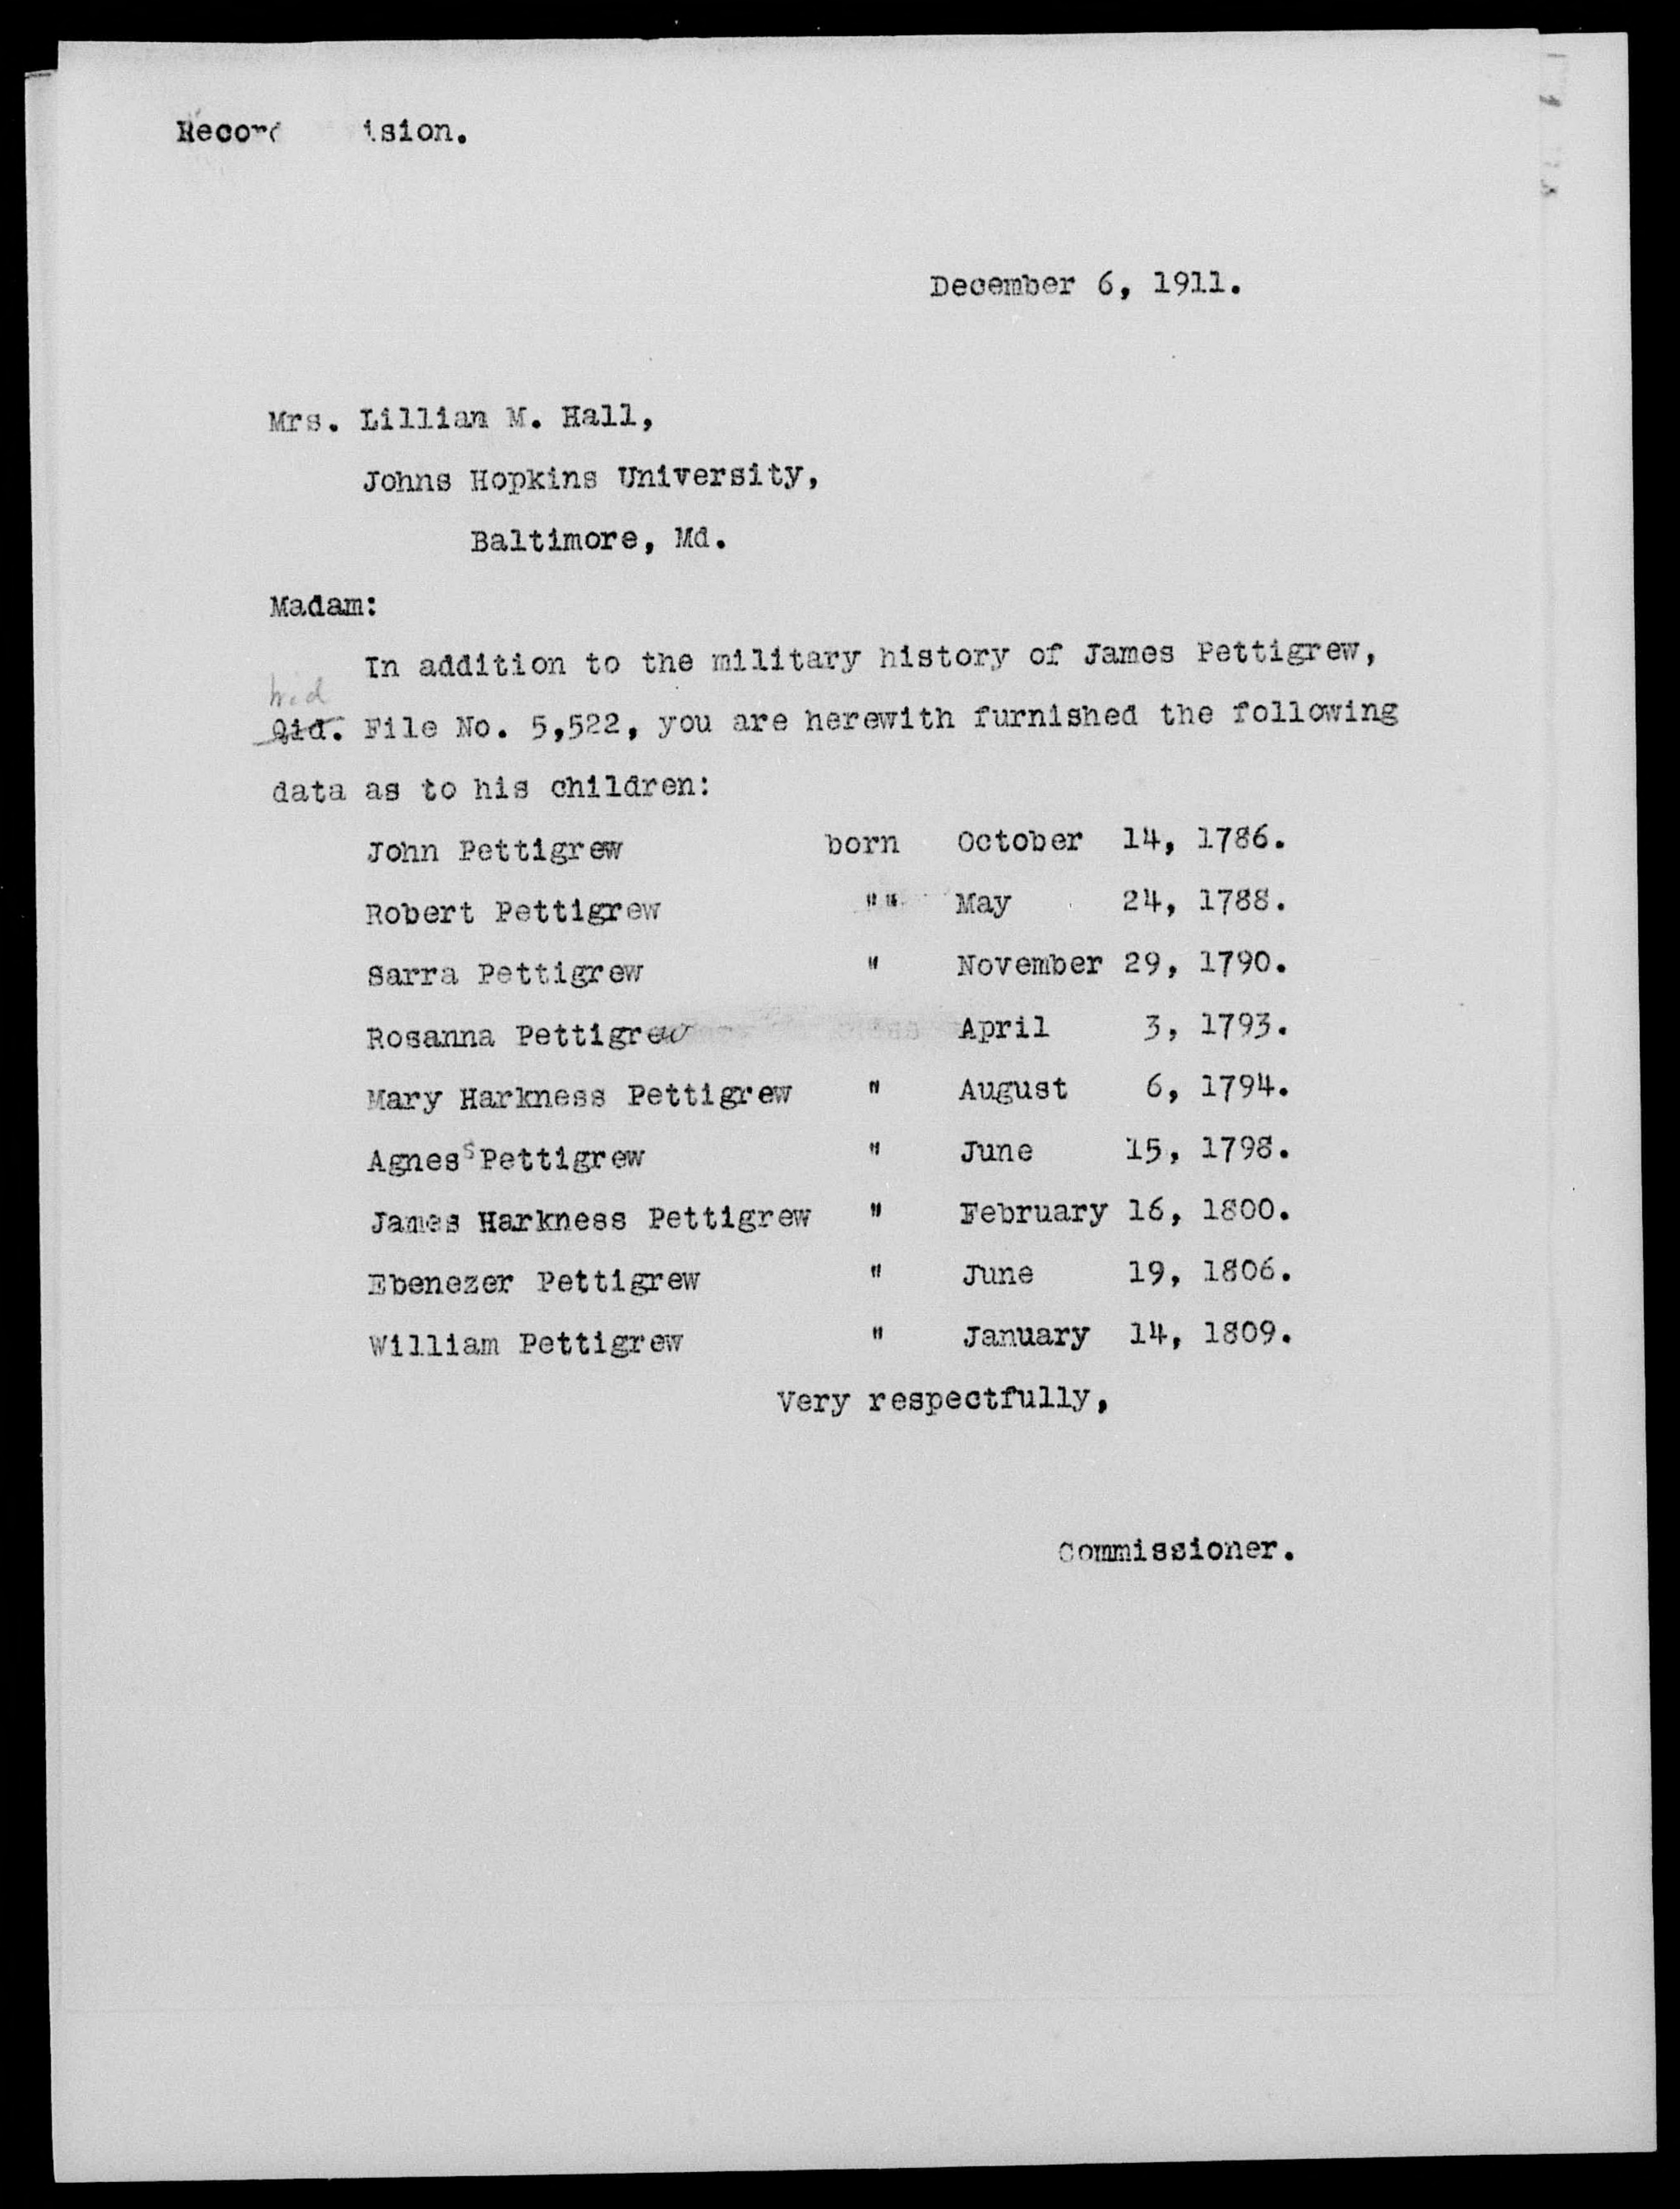Record [illegible]ision.

December 6, 1911.

Mrs. Lillian M. Hall,
John Hopkins University,
Baltimore, Md.

Madam:
In addition to the military history of James Pettigrew, ["Qid" crossed out]^hid. File No. 5,522, you are herewith furnished the following data as to his children:

John Pettigrew born October 14, 1786.
Robert Pettigrew [ditto mark] May 24, 1788.
Sarra Pettigrew [ditto mark] November 29, 1790.
Rosanna Pettigrew [left blank] April 3, 1793.
Mary Harkness Pettigrew [ditto mark] August 6, 1794.
Agnes Pettigrew [ditto mark] June 15, 1798.
James Harkness Pettigrew [ditto mark]  February 16, 1800.
Ebenezer Pettigrew [ditto mark] June 19, 1806.
William Pettigrew [ditto mark] January 14, 1809.
Very respectfully,

Commissioner.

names: John Pettigrew; Robert Pettigrew; Mary Harkness Pettigrew; Sarra Pettigrew; James Harkness Pettigrew; Ebenezer Pettigrew; James Pettigrew; Rosanna Pettigrew; Agness Pettigrew; William Pettigrew; Lillian M Hall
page: 78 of 92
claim: widow's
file: W. 5522, for James Pettigrew, South Carolina